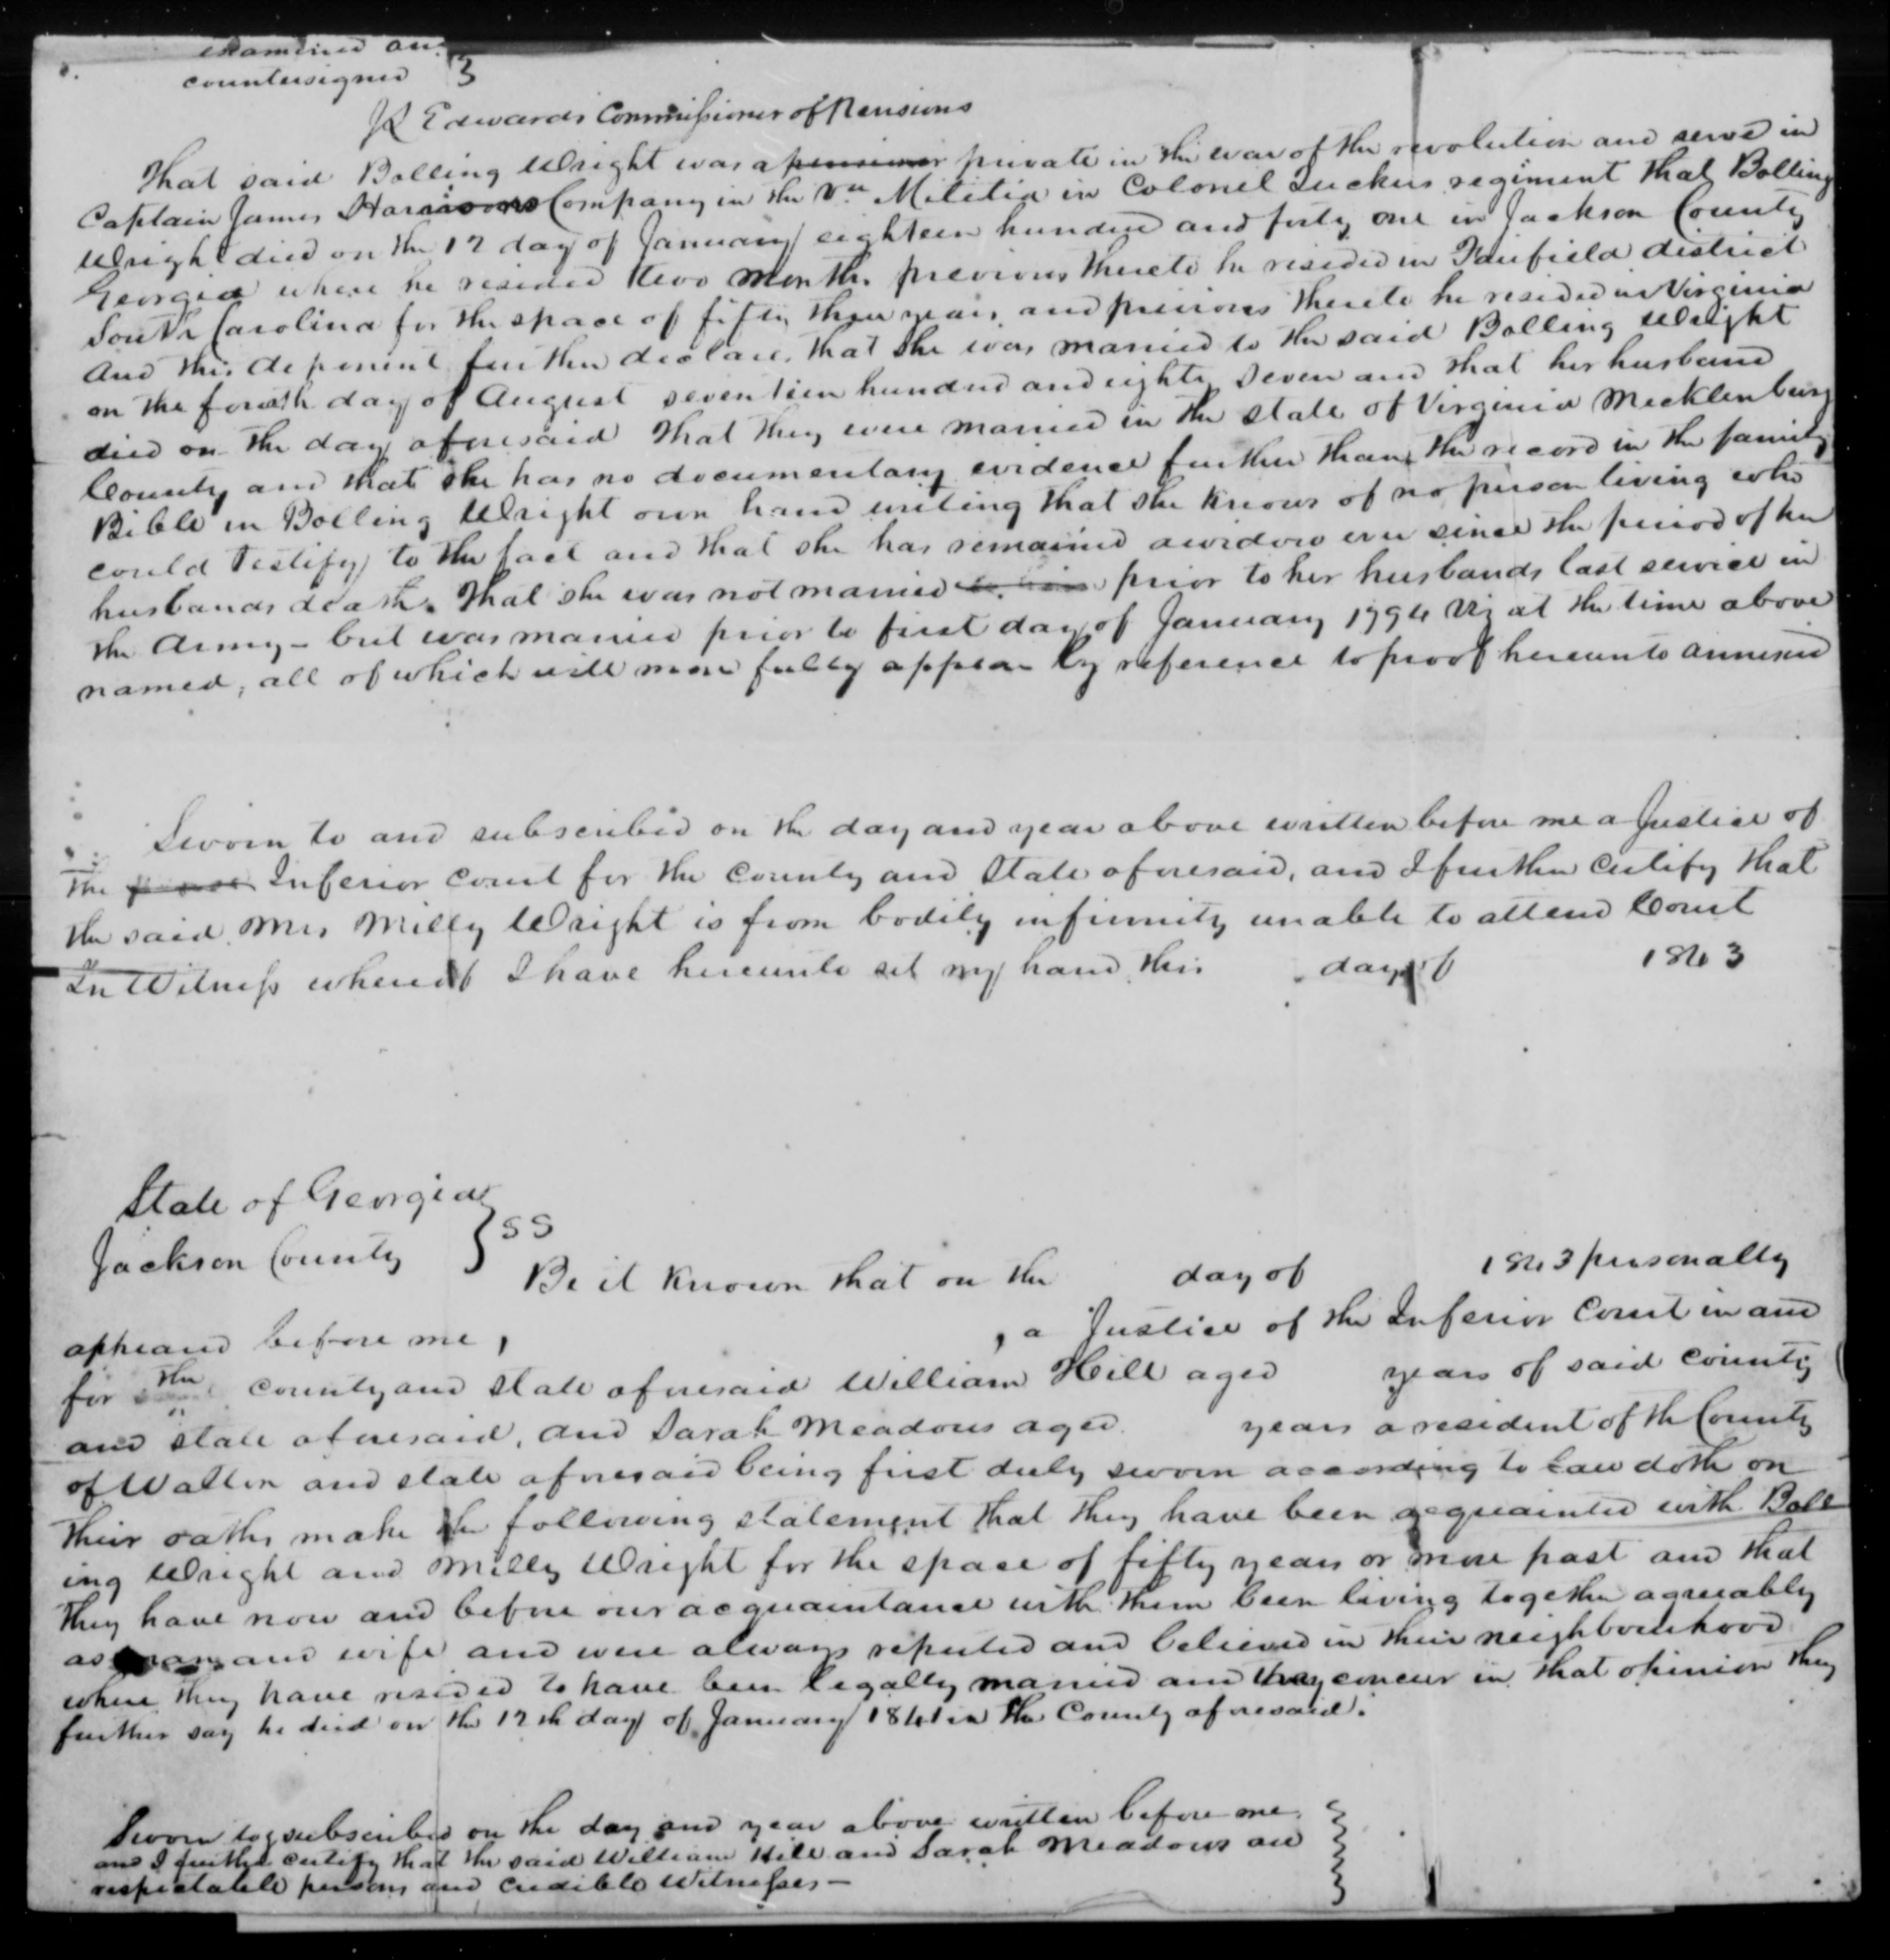examined and countersigned } JL Edwards Commissioner of Pensions

That said Bolling Wright was a private in the war of the revolution and served in Captain Hames Harrisons Company in the Va Militia in Colonel Tuckers regiment that Bolling Wright died on the 12 day of January eighteen hundred and forty one in Jackson County Georgia where he resided two months previous thereto he resided in Fairfield district South Carolina for the space of fifty three years and previous thereto he resided in Virginia and this department further declares that she was married to the said Bolling Wright on the fourth day of August seventeen hundred and eighty seven and that her husband died on the day aforesaid That they were married in the state of Virginia Mecklenburg County and that she has no documentary evidence further than the record in the family Bible in Bolling Wright own hand writing that she knows of no person living who could testify to the fact and that she has remained a widow ever since the period of her husbands death. That she was not married prior to her husbands last service in the Army _ but was married prior to first day of January 1794 viz at the time above named, all of which will more fully appear by reference to proof hereunto annexed

Sworn to and subscribed on the day and year above written before me a Justice of the Inferior Court for the county and state aforesaid and I further certify that the said Mrs Milly Wright is from bodily infirmity unable to attend court In witness whereof I have hereunto set my hand this day of 1863

State of Georgia Jackson County } SS
Be it known that on the day of 1843 appeared before me, , a Justice of the Inferior Court in and for the county and state aforesaid William Hill aged years of said county and state aforesaid  and Sarah Meadous aged years a resident of th County of Walton and state aforesaid being first duly sworn according to law doth on their oaths make the following statement that they have been acquainted with Bolling Wright and Milly Wright for the space of fifty years or more past and that they have now and before our acquaintance with them been living together agreeably as man and wife and were always reputed and believed in their neighbourhood where they have resided to have been legally married and they concur in that opinion they further say he died on the 12th day of January 1841 the County aforesaid.
Sworn to subscribed on the day and year above written before me and I further certify that the said William Hill and Sarah Meadous are respectable person and credible witnesses_ }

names: William Hill, J L Edwards, Milly Wright, Sarah Meadous, Bolling Wright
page: 27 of 81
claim: widow's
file: W. 5183, Bolling Wright, Va.